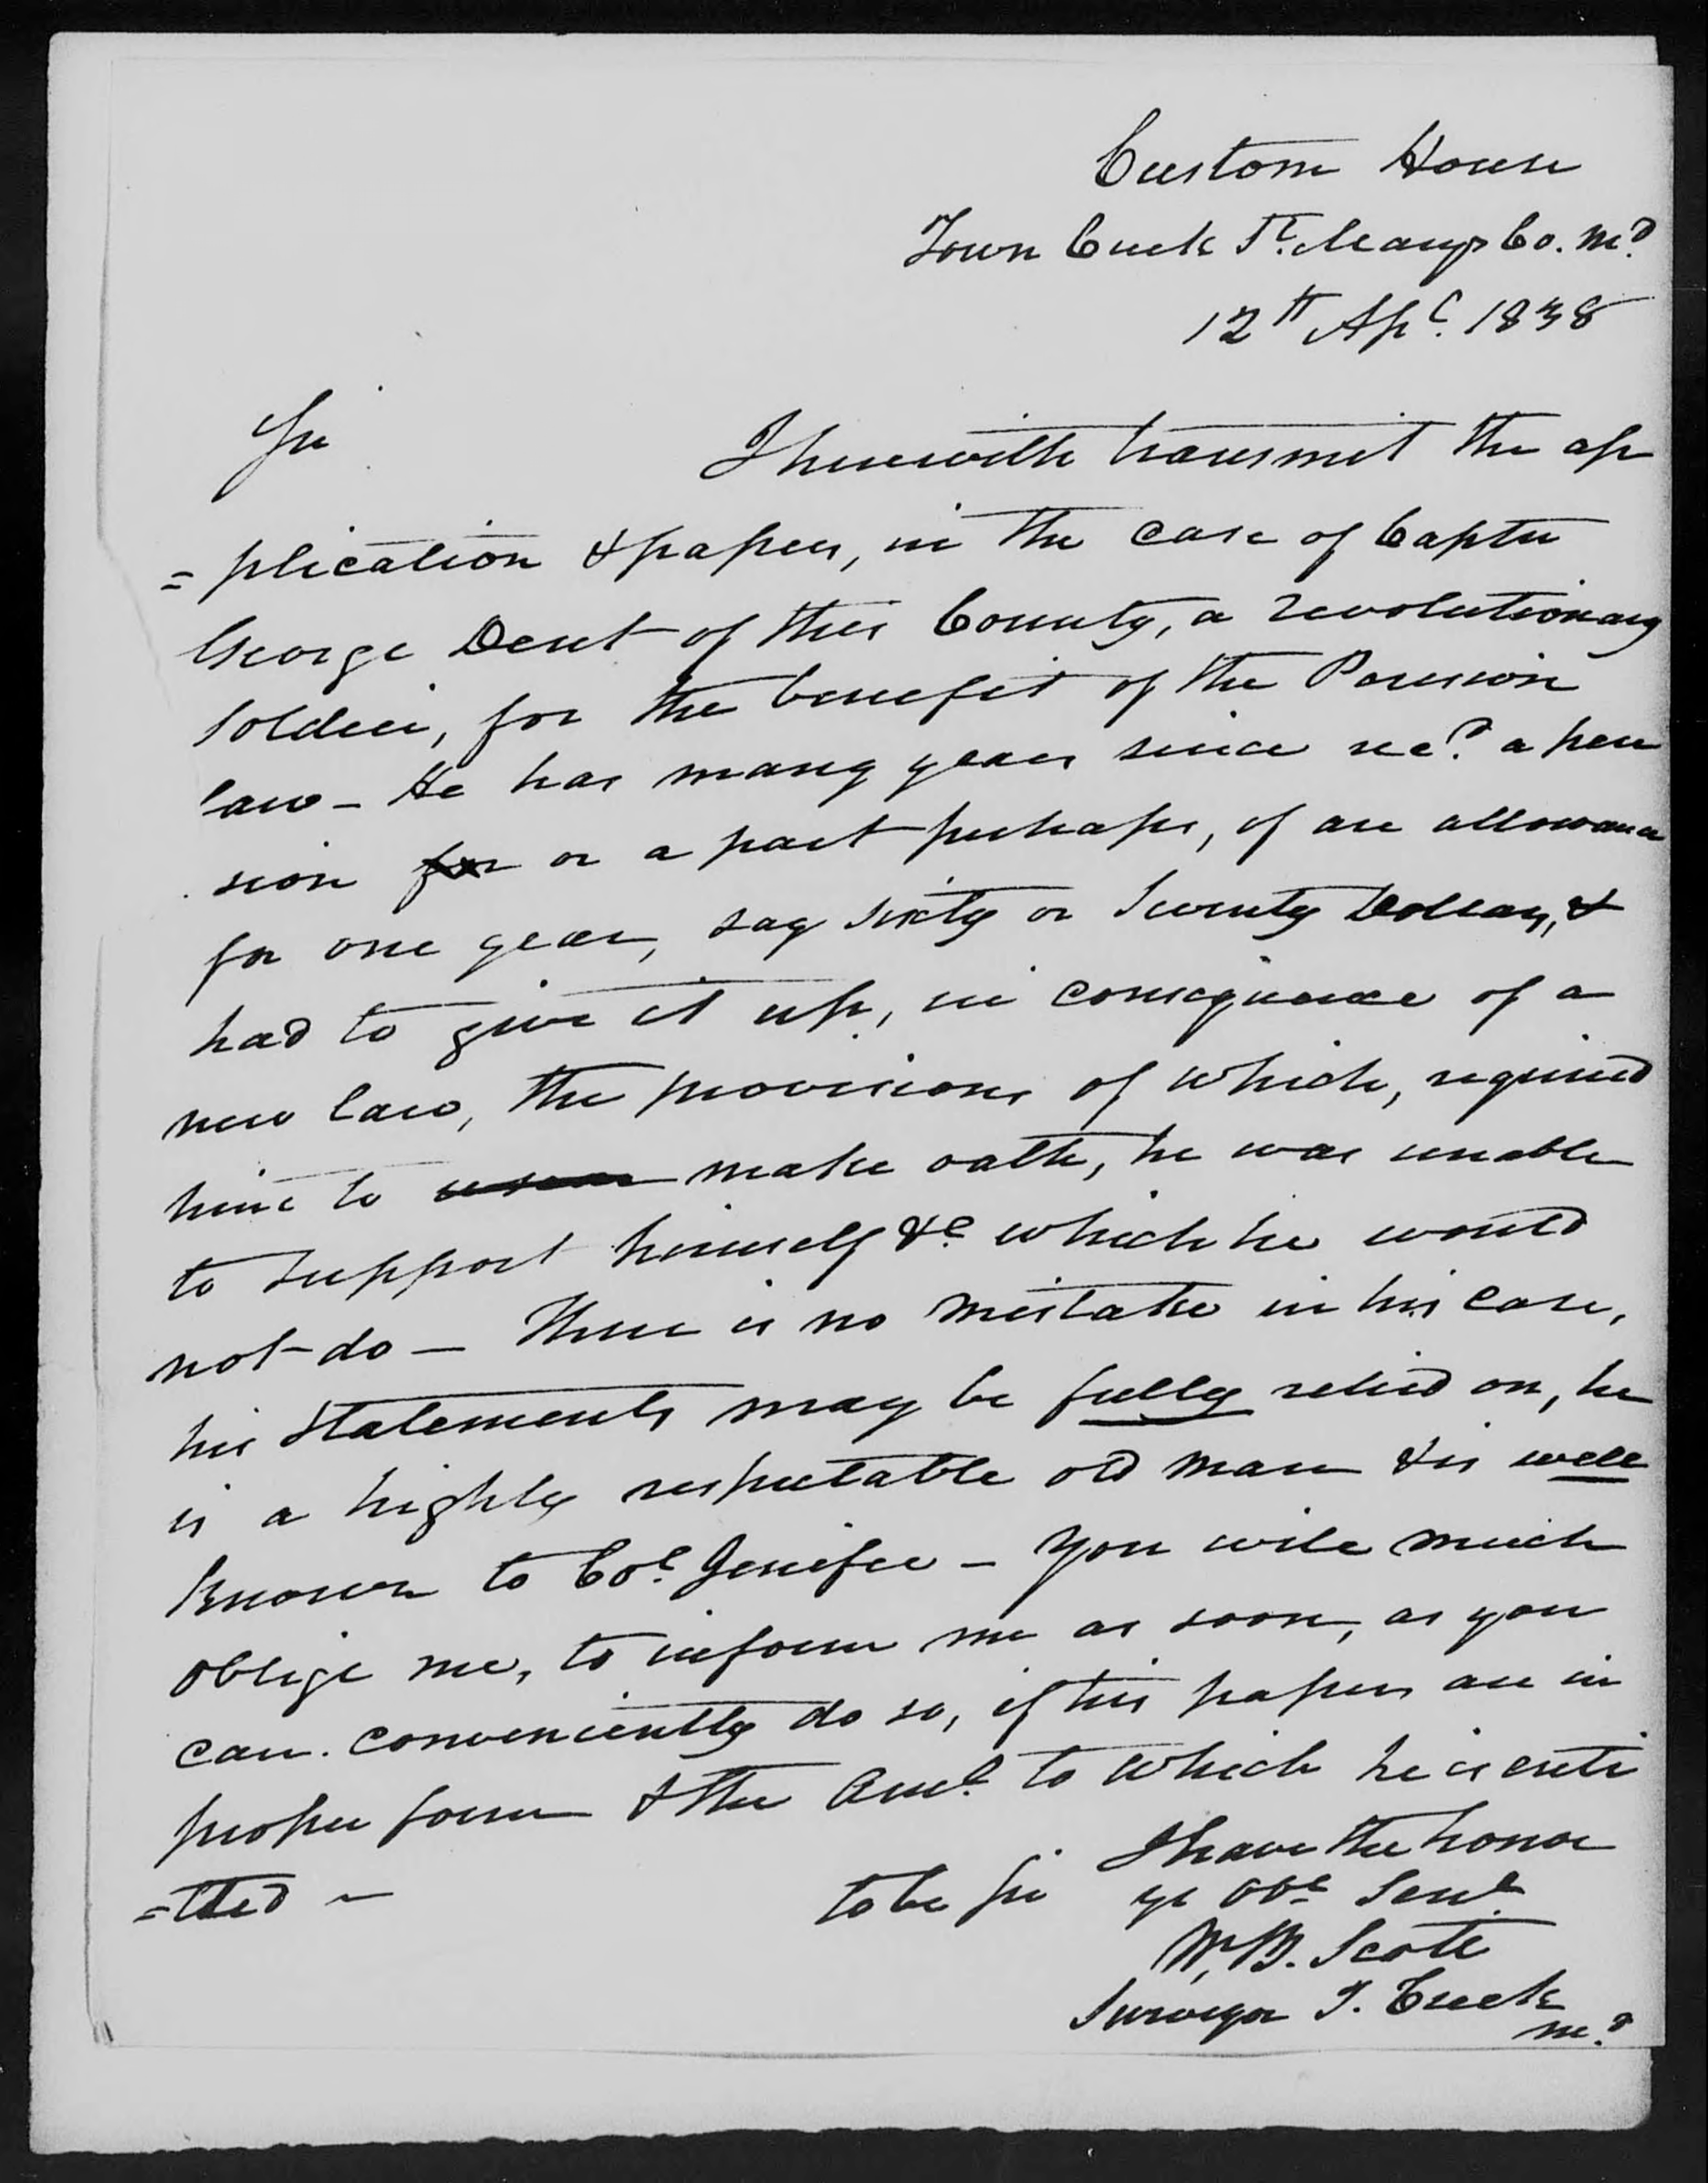Custom House
Town Creek St Mary's Co. MD
12th Apr 1838

Sir

I herewith transmit the application and papers in the case of Captain George Dent of the county, a revolutionary soldier, for the benefit of the pension law - he has many years since rec'd a pension for or a part perhaps of an allowance for one year, say sixty or seventy dollars & had to give it up in consequence of a new law, the provisions of which required him to make oath he was unable to support himself & which he would not do - There is no mistake in his case, his statements may be fully relied on he is a highly respectable old man & is well known to Col. Jenifer - You will much oblige me to inform me as soon as you can conveniently do so if his papers are in proper form & the amt to which he is entitled.

I have the honor to be your obt servant
Wm B. Scott
*** T Creeek MD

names: Jenifer, Wm B Scott, George Dent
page: 42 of 49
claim: survivor's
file: S. 12755, George Dent, Md.